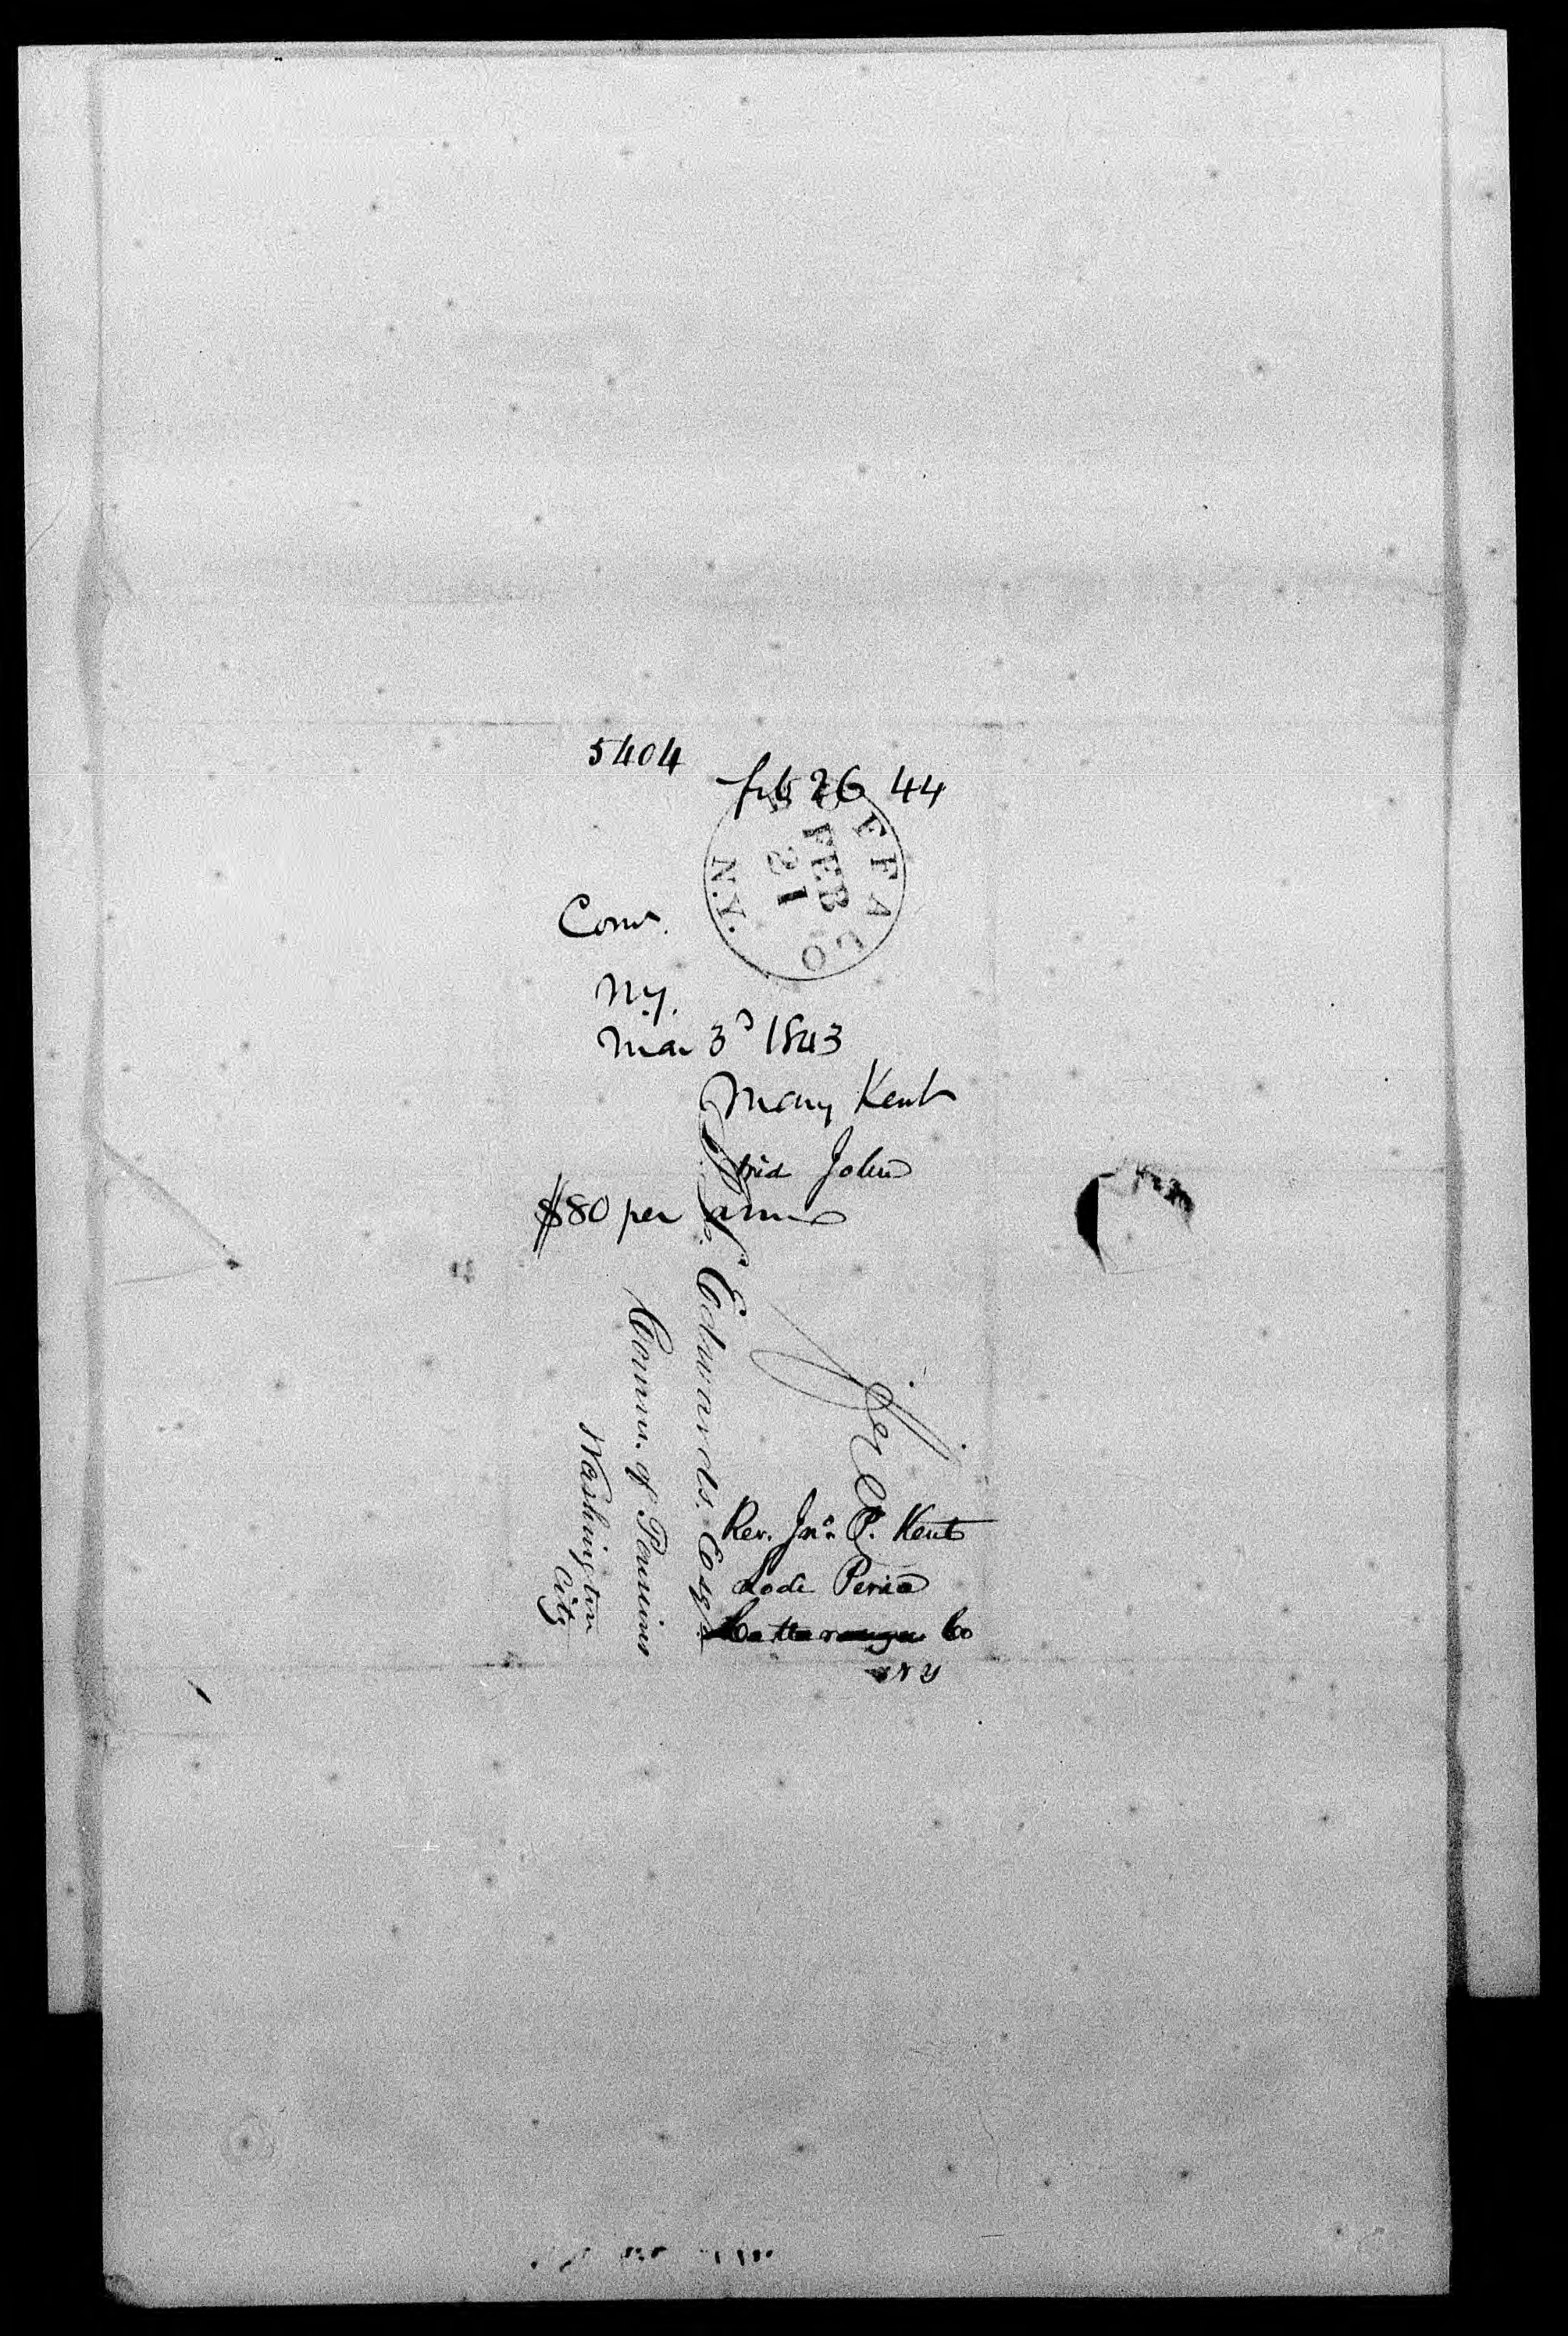5404 feb 26 44

Stamp Mark
BUFFALO N. Y.
FEB 21

Com.
N. Y.
Mar 3d 1843
Mary Kent
wid John
$80 per ann

Rev. Jn. P. Kent
Lodi Peria
Cattaraugus Co
NY

free

J. L. Edwards Esq.
Comm. of Pensions
Washington City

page: 44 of 50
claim: widow's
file: W. 4253, for John Kent, Vermont